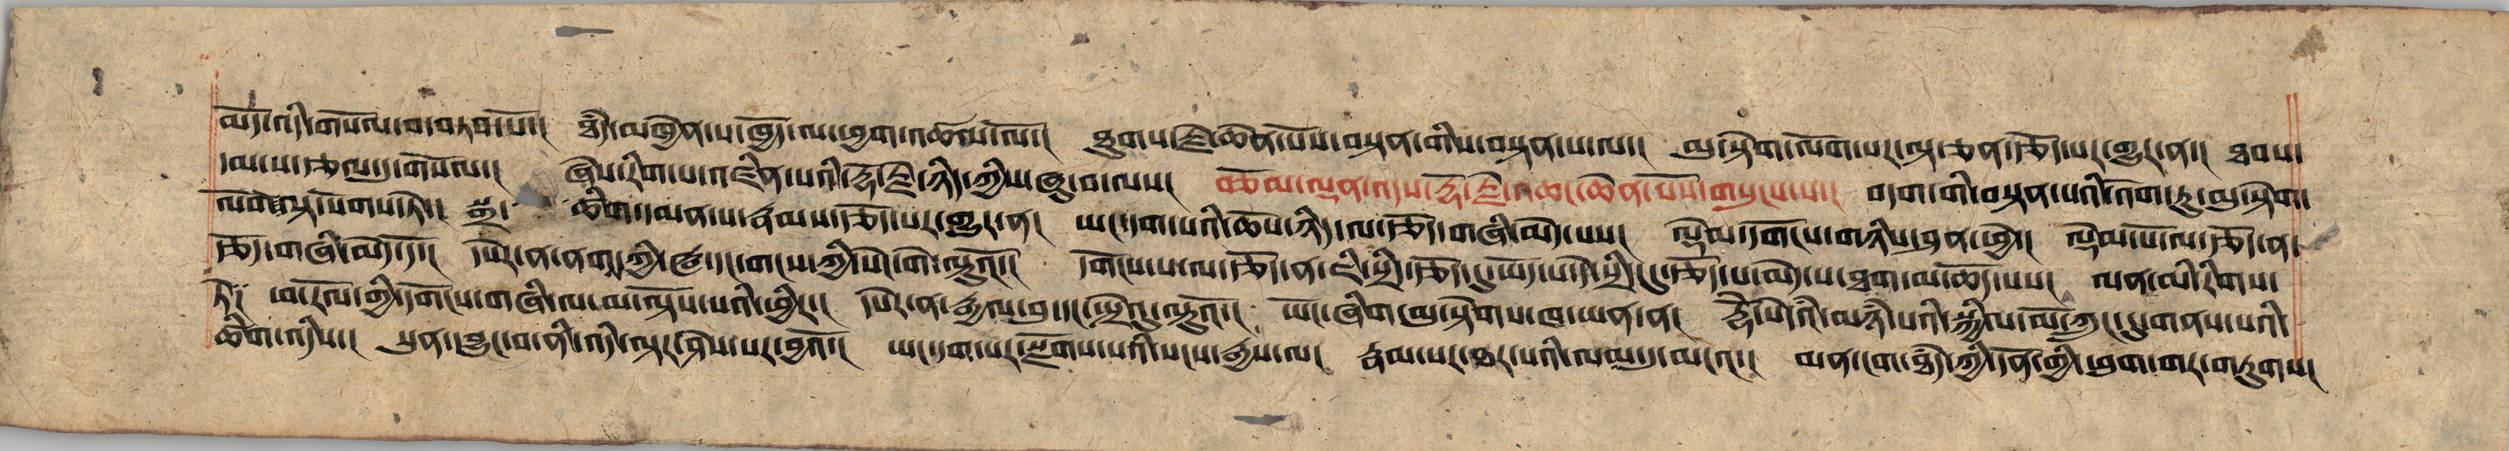མོད་འདི་གསོལ་བ་བཏབ་པོ་། ཐཾད་མཁྱེན་པ་ཁྱོད་ལ་ཕྱག་འཚལ་ལོ་། ཐུགས་རྗེ་ཆེན་པོས་བསྟན་གིས་བསྟན་པ་ལ་། མུ་སྟེག་ལོག་པར་ལྟ་ཅན་རྩོད་པར་གྱུར་ན་། ཐབས་
དམ་པ་རྩལ་དུ་གསོལ་། ཞེས་རིག་པ་འཛིན་པའི་རྡོ་རྗེ་ཉིད་ཀྱིས་ཞུ་བ་ལས། མཅོམ་ལྡན་འདས་རྡོ་རྗེ་འཆང་ཆེན་པོས་གསུངས་པ་། བདག་གི་བསྟན་པའི་འོག་ཏུ་མུ་སྟེག་
ལོག་ལྟ་སོགས་ཏེ་། སྒྲ་ ཚིག་དམན་པ་རྣམས་རྩོད་པར་གྱུར་ན། ཡང་དག་པའི་ཆོས་ཉིད་ལ་རྩོད་གཞི་མེད་པས། ལྡེམ་དགོངས་གཉིས་ཤན་ཕྱེ་། ལྡེམ་པོ་ལ་རྩོད་ན་
རྩོད་གཞི་མེད་དོ་། དཔེར་ན་ནགས་ཀྱི་ཝ་དང་གངས་ཀྱི་སེང་གེ་ལྟུའོ་། དགོངས་པ་ལ་རྩོད་ན་ཇི་སྲིད་རྩོད་དུ་ཡོད་པ་དེ་སྲིད་དུ་རྩོད་པ་མེད་པ་ཐག་མ་ཆོད་པས། ལན་མི་རིགས་
ཏེ༑ ཕ་རོལ་གྱི་དགོངས་གཞི་ལ་མ་ལྟོས་པའི་ཕྱིར་། དཔེར་ན་རྒྱལ་བུ་དང་སྤྲེའུ་ལྟུའོ་། ཡོང་ཞིག་མུ་སྟེགས་ཁ་ཡན་ན། རྡོེ་སེཾདའ་མཉཾ་པའི་སྐྱིལ་མོ་ཀྲུང་དུ་གནས་པའི་
ཚིག་འདིས་། སུན་དབྱུང་བ་ནི་འདི་ལྟར་ཤེས་པར་བྱའོ་། ཡང་དག་པར་སྫོགས་པའི་སངས་རྒྱས་ལ། རྣམ་པར་ཐར་པའི་ལམ་དུ་མངའ་། མན་ངག་ཐདཾ་ཀྱི་དོན་གྱི་ཕུག་གར་གཏུགས།